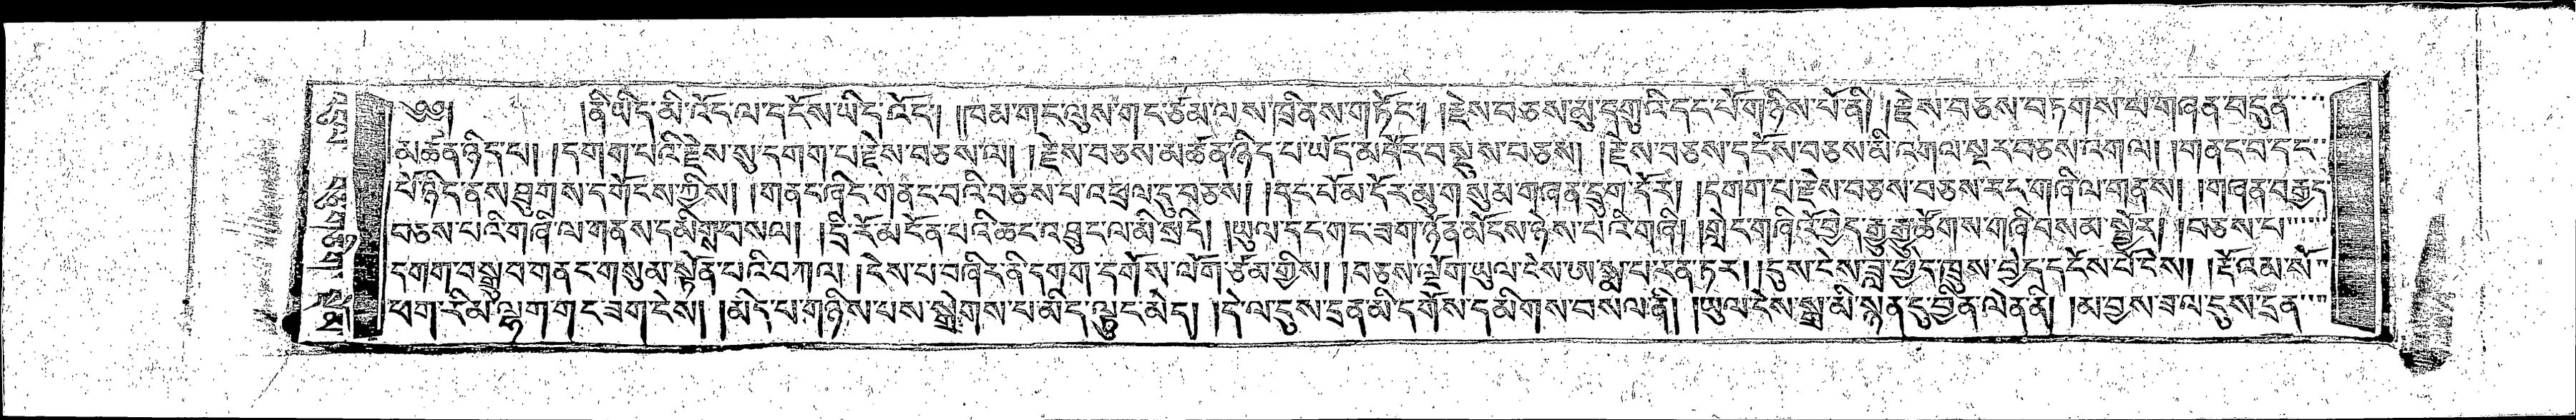༄༅། །ནི་ཡིད་མི་འོང་ལ་དངོས་ཡིད་འོང་། །ཁམ་གང་ལུས་གང་ཙམ་ལས་ཁྲི་ནས་གཏོང་། །རྗེས་བཅས་མུ་དགུའི་དང་པོ་གཉིས་པོ་ནི། །རྗེས་བཅས་བཏགས་པ་གཞན་བདུན་
མཚན་ཉིད་པ། །དགག་པའི་རྗེས་སུ་དགག་པ་རྗེས་བཅས་ལ། །རྗེས་བཅས་མཚན་ཉིད་པ་ཡོད་མདོར་བསྡུས་བཅས། །རྗེས་བཅས་དངོས་བཅས་མི་འགལ་སྔར་བཅས་འགལ། །གནང་བ་དང་
པོ་ཉིད་ནས་ཐུགས་དགོངས་ཀྱིས། །གནང་ཞིང་གནས་བའི་བཅས་པ་འཕྲལ་དུ་བཅས། །དང་པོ་མ་དོར་མུ་གསུམ་གཞན་དྲུག་དོར། །དགག་པ་རྗེས་བཅས་བཅས་རང་གཞི་ལ་གནས། །གཞན་བརྒྱད་
བཅས་པའི་གཞི་ལ་གནས་དམིགས་བསལ། །དྲི་རོ་མངོན་པའི་ཆང་འཐུང་ལ་མི་སྲིད། །ཡུལ་དང་གང་ཟག་ཉོན་མོངས་ཉེས་པའི་གཞི། །གླེང་གཞིའོ་བྱེད་རྒྱུ་རྒྱུ་ཚོགས་གཞི་བསམ་སྦྱོར། །བཅས་པ་
དགག་བསྒྲུབ་གནང་གསུམ་སྟོན་པའི་བཀའ། །ངེས་པ་བཞིར་ནི་དགག་དགོས་ལོག་ཙམ་གྱིས། །བཅས་ལྡོག་ཡུལ་ངེས་ཨ་སྨ་པ་རན་ཏར། །དུས་ངེས་ཟླ་ཕྱེད་ཁྲུས་བྱེད་དངོས་པོ་ངེས། །རྡོ་འམ་སོ་
ཕག་རིམ་ལྷག་གང་ཟག་ངེས། །མིད་པ་གཉིས་པས་སྒྲེགས་པ་མིད་ལྟུང་མེད། །དེ་ལ་དུས་དྲན་མི་དགོས་དམིགས་བསལ་ནི། །ཡུལ་ངེས་སྒྲ་མི་སྙན་དུ་བྱིན་ལེན་ནི། །མ་བྱས་ཟ་ལ་དུས་དྲན་